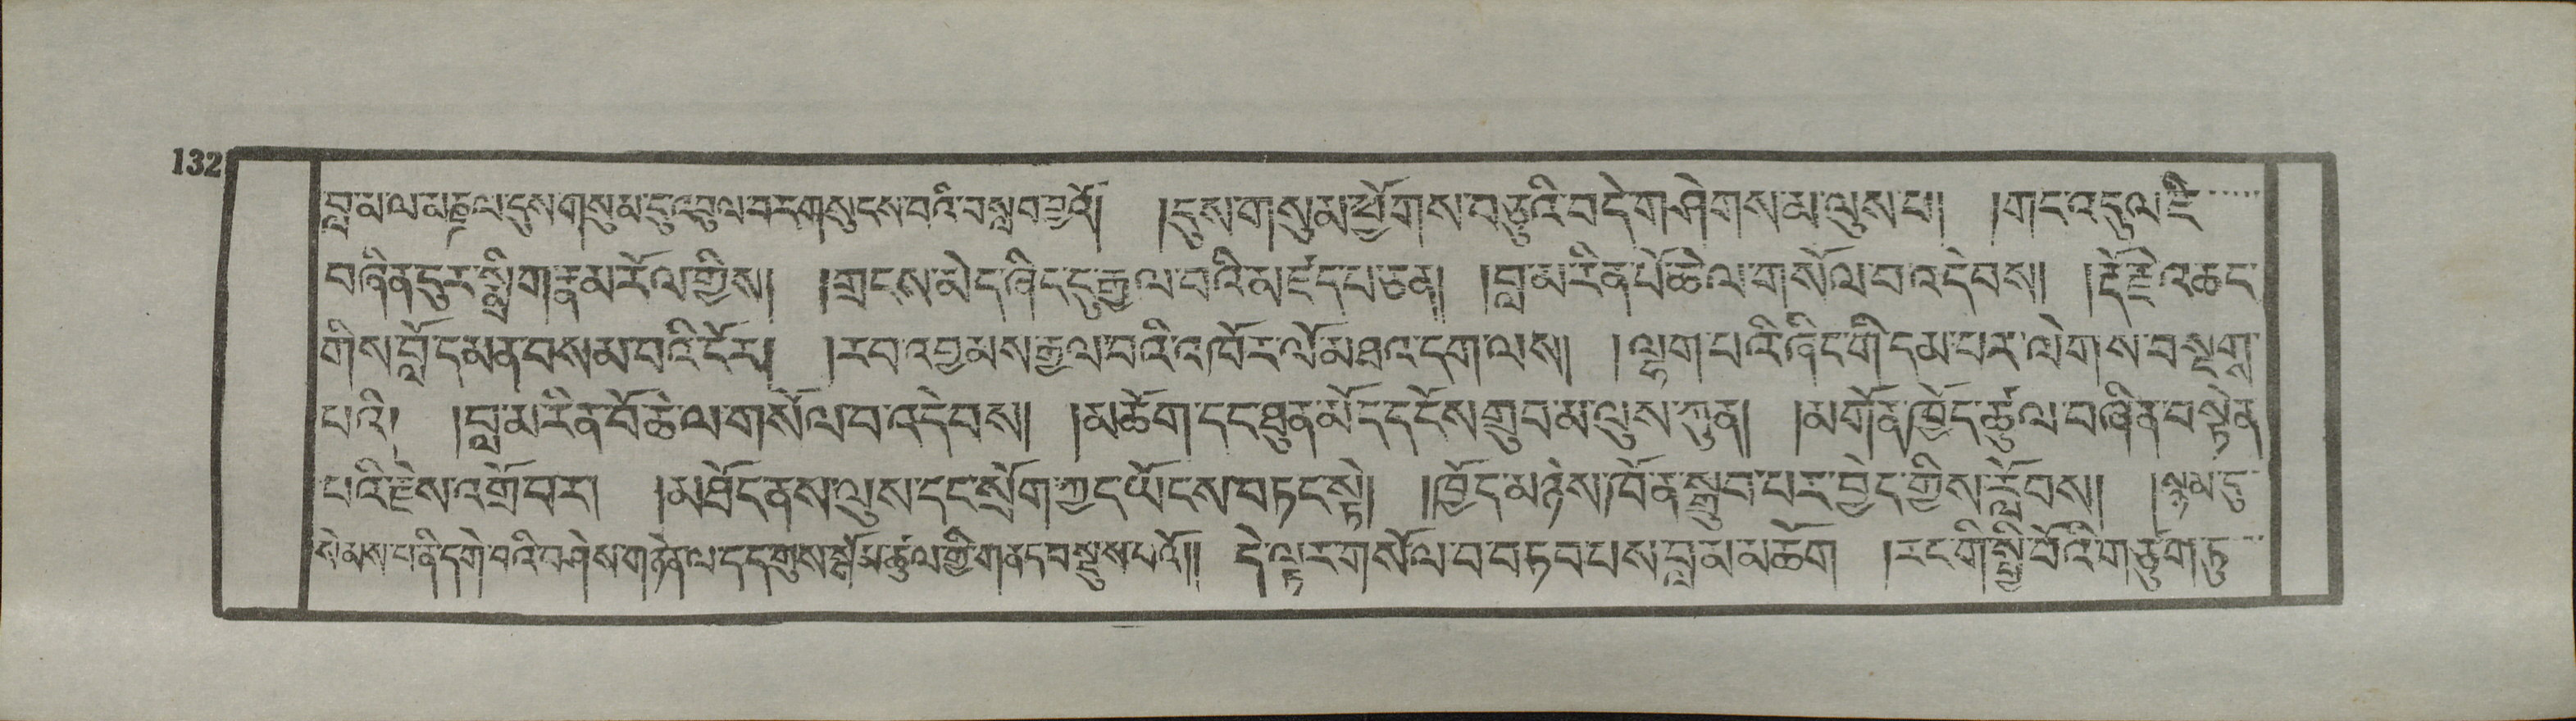བླ་མ་ལ་མཎྜལ་དུས་གསུམ་དུ་འབུལ་བར་གསུངས་བའི་བསླབ་བྱའོ། །དུས་གསུམ་ཕྱོགས་བཅུའི་བདེ་གཤེགས་མ་ལུས་པ། །གང་འདུལ་ཇི་
བཞིན་ངུར་སྨྲིག་རྣམ་རོལ་གྱིས། གྲངས་མེད་ཞིང་དུ་རྒྱལ་བའི་མཛད་པ་ཅན། །བླ་མ་རིན་པོ་ཆེ་ལ་གསོལ་བ་འདེབས། །རྡོ་རྗེ་འཆང་
གིས་བློ་དམན་བསམ་པའི་ངོར། །རབ་འབྱམས་རྒྱལ་བའི་འཁོར་ལོ་མཐའ་དག་ལས། །ལྷག་པའི་ཞིང་གི་དམ་པར་ལེགས་བསྔགས་
པའི། །བླ་མ་རིན་པོ་ཆེ་ལ་གསོལ་བ་འདེབས། །མཆོག་དང་ཐུན་མོང་དངོས་གྲུབ་མ་ལུས་ཀུན། །མགོན་ཁྱོད་ཚུལ་བཞིན་བསྟེན་
པའི་རྗེས་འགྲོ་བར། །མཐོང་ནས་ལུས་དང་སྲོག་ཀྱང་ཡོངས་བཏང་སྟེ། །ཁྱོད་མཉེས་ཁོ་ན་སྒྲུབ་པར་བྱེད་ཀྱིས་རློབས། །སྙམ་དུ་
སེམས་པ་ནི་དགེ་བའི་བཤེས་གཉེན་ལ་དད་གུས་སྒོམ་ཚུལ་གྱི་གནད་བསྡུས་པའོ། །དེ་ལྟར་གསོལ་བ་བཏབ་པས་བླ་མ་མཆོག །རང་གི་སྤྱི་བོའི་གཙུག་ཏུ་